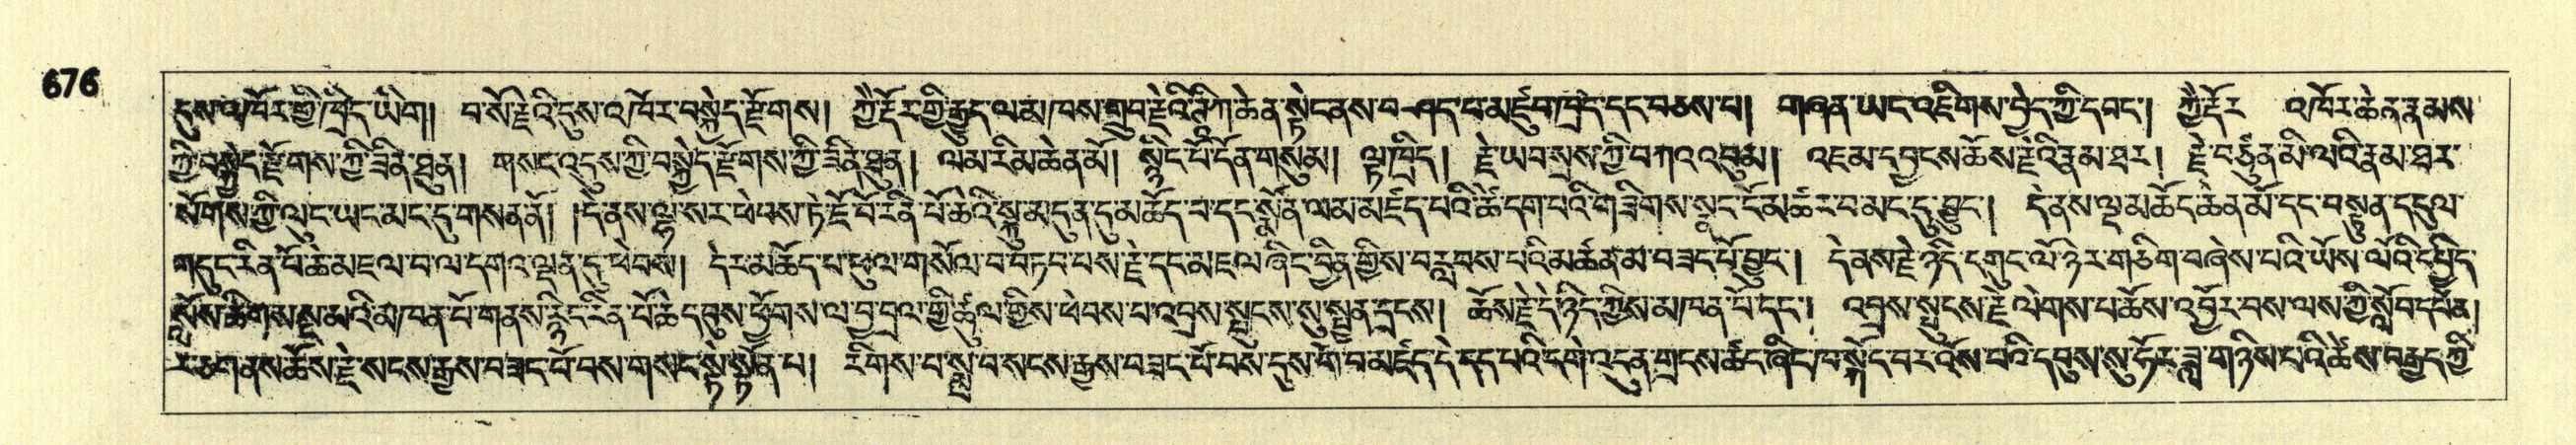དུས་འཁོར་གྱི་ཁྲིད་ཡིག། བ་སོ་རྗེའི་དུས་འཁོར་བསྐྱེད་རྫོགས། ཀྱཻ་རྡོར་གྱི་རྒྱུད་ལ་མཁས་གྲུབ་རྗེའི་ཊཱི་ཀ་ཆེན་སྟེང་ནས་བཤད་པ་མཛུབ་ཁྲིད་དང་བཅས་པ། གཞན་ཡང་འཇིགས་བྱེད་ཀྱི་དབང་། ཀྱཻ་རྡོར། འཁོར་ཆེན་རྣམས་
ཀྱི་བསྐྱེད་རྫོགས་ཀྱི་ཟིན་ཐུན། གསང་འདུས་ཀྱི་བསྐྱེད་རྫོགས་ཀྱི་ཟིན་ཐུན། ལམ་རིམ་ཆེན་མོ། སྙིང་པོ་དོན་གསུམ། ལྟ་ཁྲིད། རྗེ་ཡབ་སྲས་ཀྱི་བཀའ་འབུམ། འཇམ་དབྱངས་ཆོས་རྗེའི་རྣམ་ཐར། རྗེ་བརྩུན་མི་ལའི་རྣམ་ཐར་
སོགས་ཀྱི་ལུང་ཡང་མང་དུ་གསན་ནོ། །དེ་ནས་ལྷ་སར་ཕེབས་ཏེ་ཇོ་བོ་རིན་པོ་ཆེའི་སྐུ་མདུན་དུ་མཆོད་པ་དང་སྨོན་ལམ་མཛད་པའི་ཚེ་དག་པའི་གཟིགས་སྣང་ངོ་མཚར་བ་མང་དུ་བྱུང་དེ་ནས་ལྔ་མཆོད་ཆེན་མོ་དང་བསྟུན་དངུལ་
གདུང་རིན་པོ་ཆེ་མཇལ་བ་ལ་དགའ་ལྡན་དུ་ཕེབས། དེར་མཆོད་པ་ཕུལ་གསོལ་བ་བཏབ་པས་རྗེ་དང་མཇལ་ཞིང་བྱིན་གྱིས་བརླབས་པའི་མཚན་མ་བཟང་པོ་བྱུང་། དེ་ནས་རྗེ་ཉིད་དགུང་ལོ་ཉེར་གཅིག་བཞེས་པའི་ཡོས་ལོའི་དཔྱིད་
སློས་ཚིགས་སྔ་མའི་མཁན་པོ་གནས་རྙིང་རིན་པོ་ཆེད་བུས་ཕྱོགས་ལ་བྱ་བྲལ་གྱི་ཚུལ་གྱིས་ཕེབས་པ་འབྲས་སྤུངས་སུ་སྤྱན་དྲངས། ཆོས་རྗེ་དེ་ཉིད་ཀྱིས་མཁན་པོ་དང་། འབྲས་སྤུངས་རྗེ་ལེགས་པ་ཆོས་འབྱོར་བས་ལས་ཀྱི་སློབ་དཔོན།
ར་ཅག་ནས་ཆོས་རྗེ་སངས་རྒྱས་བཟང་པོ་བས་གསང་སྟེ་སྟོན་པ། རིགས་པ་སྨྲ་བ་སངས་རྒྱས་བཟང་པོ་བས་དུས་གོ་བ་མཛད་དེ་དད་པའི་དགེ་འདུན་གྲངས་ཚང་ཞིང་ཁ་སྐོང་བར་འོས་པའི་དབུས་སུ་ཧོར་ཟླ་གཉིས་པའི་ཚེས་བརྒྱད་ཀྱི་